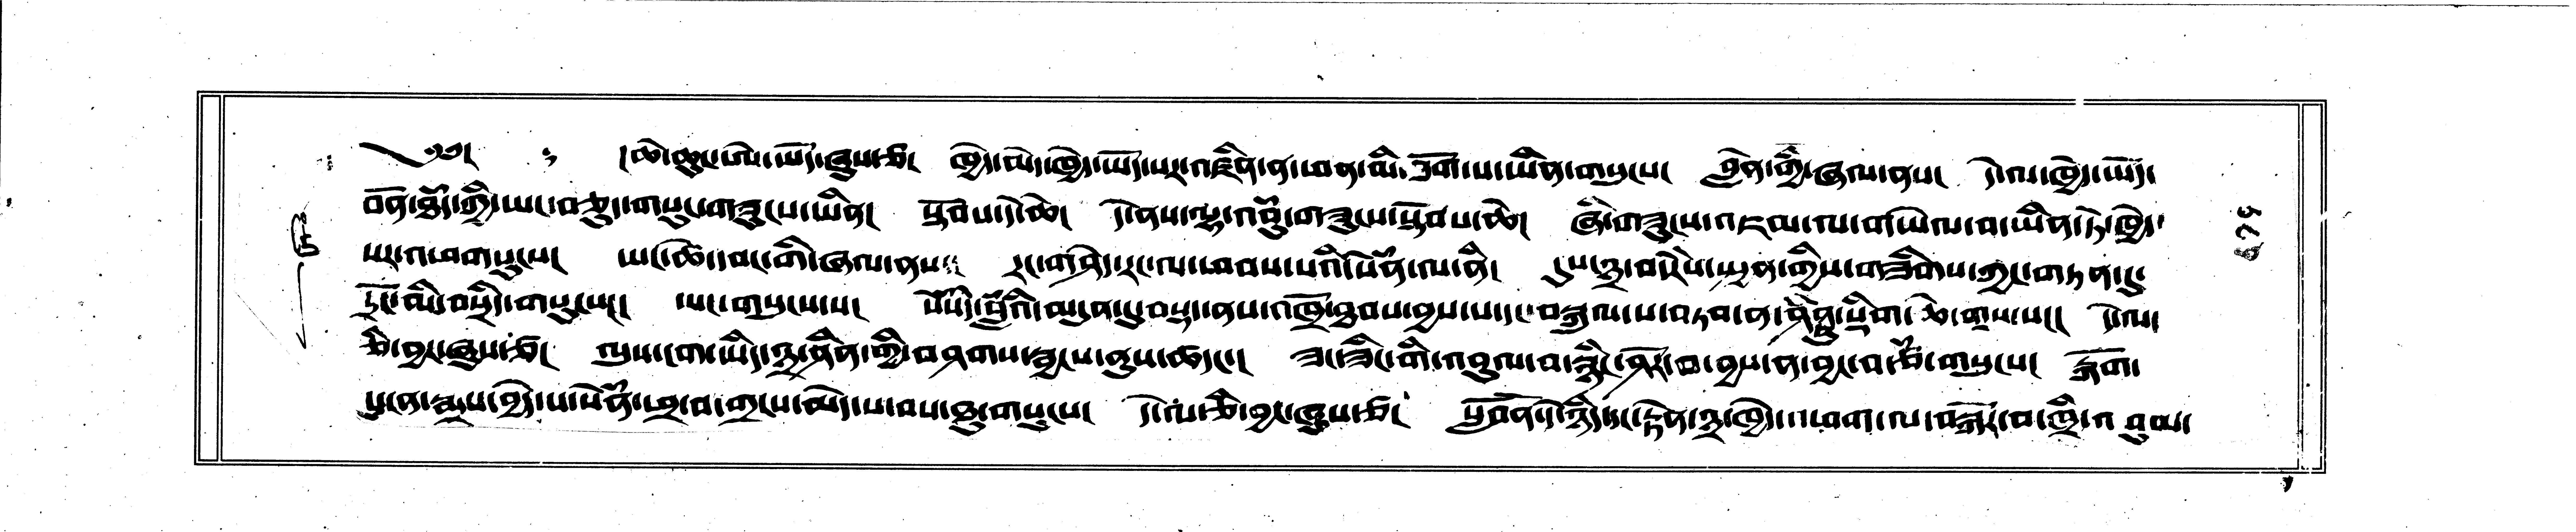ཆེ་ཆུང་ཨེ་ཡོད་ཞུས་ཙ་ཁྱད་མེད། ཁྱད་ཡོད་པར་འཛིན་ན་ཕན་མི་ཐོགས་པ་ཡིན་ནོ།། དེ་ལ་བླ་ཆེན་གྱི་གསུངས་པ། དེ་ནས་ལྷ་འབུམ་གཟུངས་སྟོབས་ཆེ། དེ་ལ་ཁྱད་ཡོད། 
བོན་ཐམས་ཅད་ཀྱིས་ཡང་བཅུད་གསང་གཟུངས་ཡིན། སྟོབས་དེ་ཆེ། ཞི་གཟུངས་འཇོམ་‘‘འཇམ”ལ་གཡེལ་བ་ཡིན་ཏེ་ཁྱད་
པར་འཕགས། ཡང་ཚེ་དབང་གིས་ཞལ་ནས། རང་གཤེད་རང་ལ་ཕབ་པའི་སེམས་ཅན་ནི། དུས་གསུམ་བདེར་གཤེགས་སྤྱན་གྱིས་གཟིགས་ཀྱང་གཏན་དུ་
གྲོང་མི་སྲིད་གསུངས། ཡང་གསུངས་པ་སེམས་ཉིད་སྟོན་པའི་སློབ་དཔོན་གྱིས་མདུན་དུ་བསྡད་ནས།འཁྲོ་ཐབས་བྱས་ཤིང་སྐུར་པ་ཆེན་པོ་བཏབ་པ་དེ་ནི་ཤིན་ཏུ་སྡིག་ཆེ་གསུངས། དེ་
ཅིས་བྱང་ཞུས་ཙ།། ལུས་ངག་ཡིད་གསུམ་གྱི་བཤགས་སྦྱང་ནུས་ཚད་དང་། ཟང་ཟིང་གིས་འབུལ་བ་སྙིང་ཤོར་ཤོར་ལ་བྱས་ན་བྱང་གསུངས།། རྐོག་
༼ལྐོག༽དུ་ངན་སྨྲས་བྱས་ཀྱང་སེམས་ཅན་འཕྲ་བུ་གྲངས་མང་བསད་པ་བེས་ཐུ་གསུངས།། དེ་ལ་ཅིས་བྱང་ཞུས་ཙ།། སློབ་དཔོན་དེ་ཉིད་དང་རྟེན་གསུམ་ཁྱད་འཕགས་ལ་སྐོར་བ་ཁྲི་འབུམ་